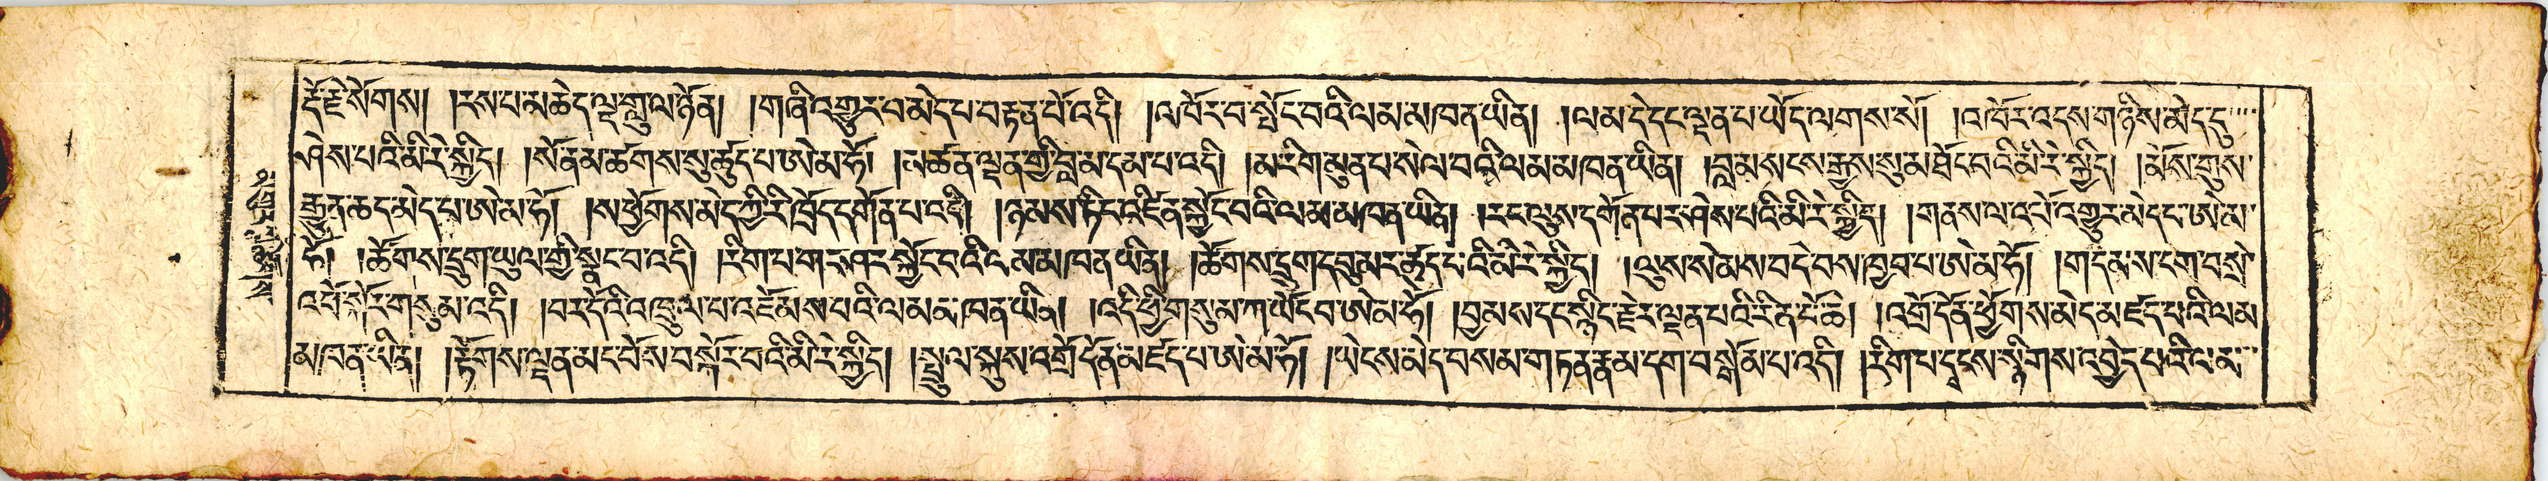ལའི་རྡོརྗེ་སོགས། །རས་པ་མཆེད་ལྔ་ཀླུ་ལ་ཉོན། །གཞི་འགྱུར་བ་མེད་པ་བརྟན་པོ་འདི། །འཁོར་བ་སྤོང་བའི་ལམ་མཁན་ཡིན། །ལམ་དེ་དང་ལྡན་པ་ཡོད་ལགས་སོ། །འཁོར་འདས་གཉིས་མེད་དུ་
ཤེས་པའི་མི་རེ་སྐྱིད། །སོ་ནམ་ཚགས་སུ་ཚུད་པ་ཨེ་མ་ཧོ། །མཚན་ལྡན་གྱི་བླ་མ་དམ་པ་འདི། །མ་རིག་མུན་པ་སེལ་བའི་ལམ་མཁན་ཡིན། །བླ་མསངས་རྒྱས་སུ་མཐོང་བའི་མི་རེ་སྐྱིད། །མོས་གུས་
རྒྱུན་ཆད་མེད་པ་ཨེ་མ་ཧོ། །ས་ཕྱོགས་མེད་ཀྱི་རི་ཁྲོད་དགོན་པ་འདི། །ཉམས་ཏིང་འཛིན་སྐྱོང་བའི་ལམ་མཁན་ཡིན། །རང་ལུས་དགོན་པར་ཤེས་པའི་མི་རེ་སྐྱིད། །གནས་ལ་འཕོ་འགྱུར་མེད་པ་ཨེ་མ་
ཧོ། །ཚོགས་དྲུག་ཡུལ་གྱི་སྣང་བ་འདི། །རིག་པ་གང་ཤར་སྐྱོང་བའི་ལམ་མཁན་ཡིན། །ཚོགས་དྲུག་དབུ་མར་ཚུད་པའི་མི་རེ་སྐྱིད། །ལུས་སེམས་བདེ་བས་ཁྱབ་པ་ཨེ་མ་ཧོ། །གདམས་ངག་བསྲེ་
འཕོ་སྐོར་གསུམ་འདི། །བར་དོའི་འཁྲུལ་པ་འཇོམས་པའི་ལམ་མཁན་ཡིན། །འདི་ཕྱི་གསུམ་ཀ་ཡོང་བ་ཨེ་མ་ཧོ། །བྱམས་དང་སྙིང་རྗེ་ལྡན་པའི་རིན་པོ་ཆེ། །འགྲོ་དོན་ཕྱོགས་མེད་མཛད་པའི་ལམ་
མཁན་ཡིན། །རྟོགས་ལྡན་མང་པོས་བསྐོར་བའི་མི་རེ་སྐྱིད། །སྤྲུལ་སྐུས་འགྲོ་དོན་མཛད་པ་ཨེ་མ་ཧོ། །ཡེངས་མེད་བསམ་གཏན་རྣམ་དག་བསྒོམ་པ་འདི། །རིག་པ་དྭངས་སྙིགས་འབྱེད་པའི་ལམ་